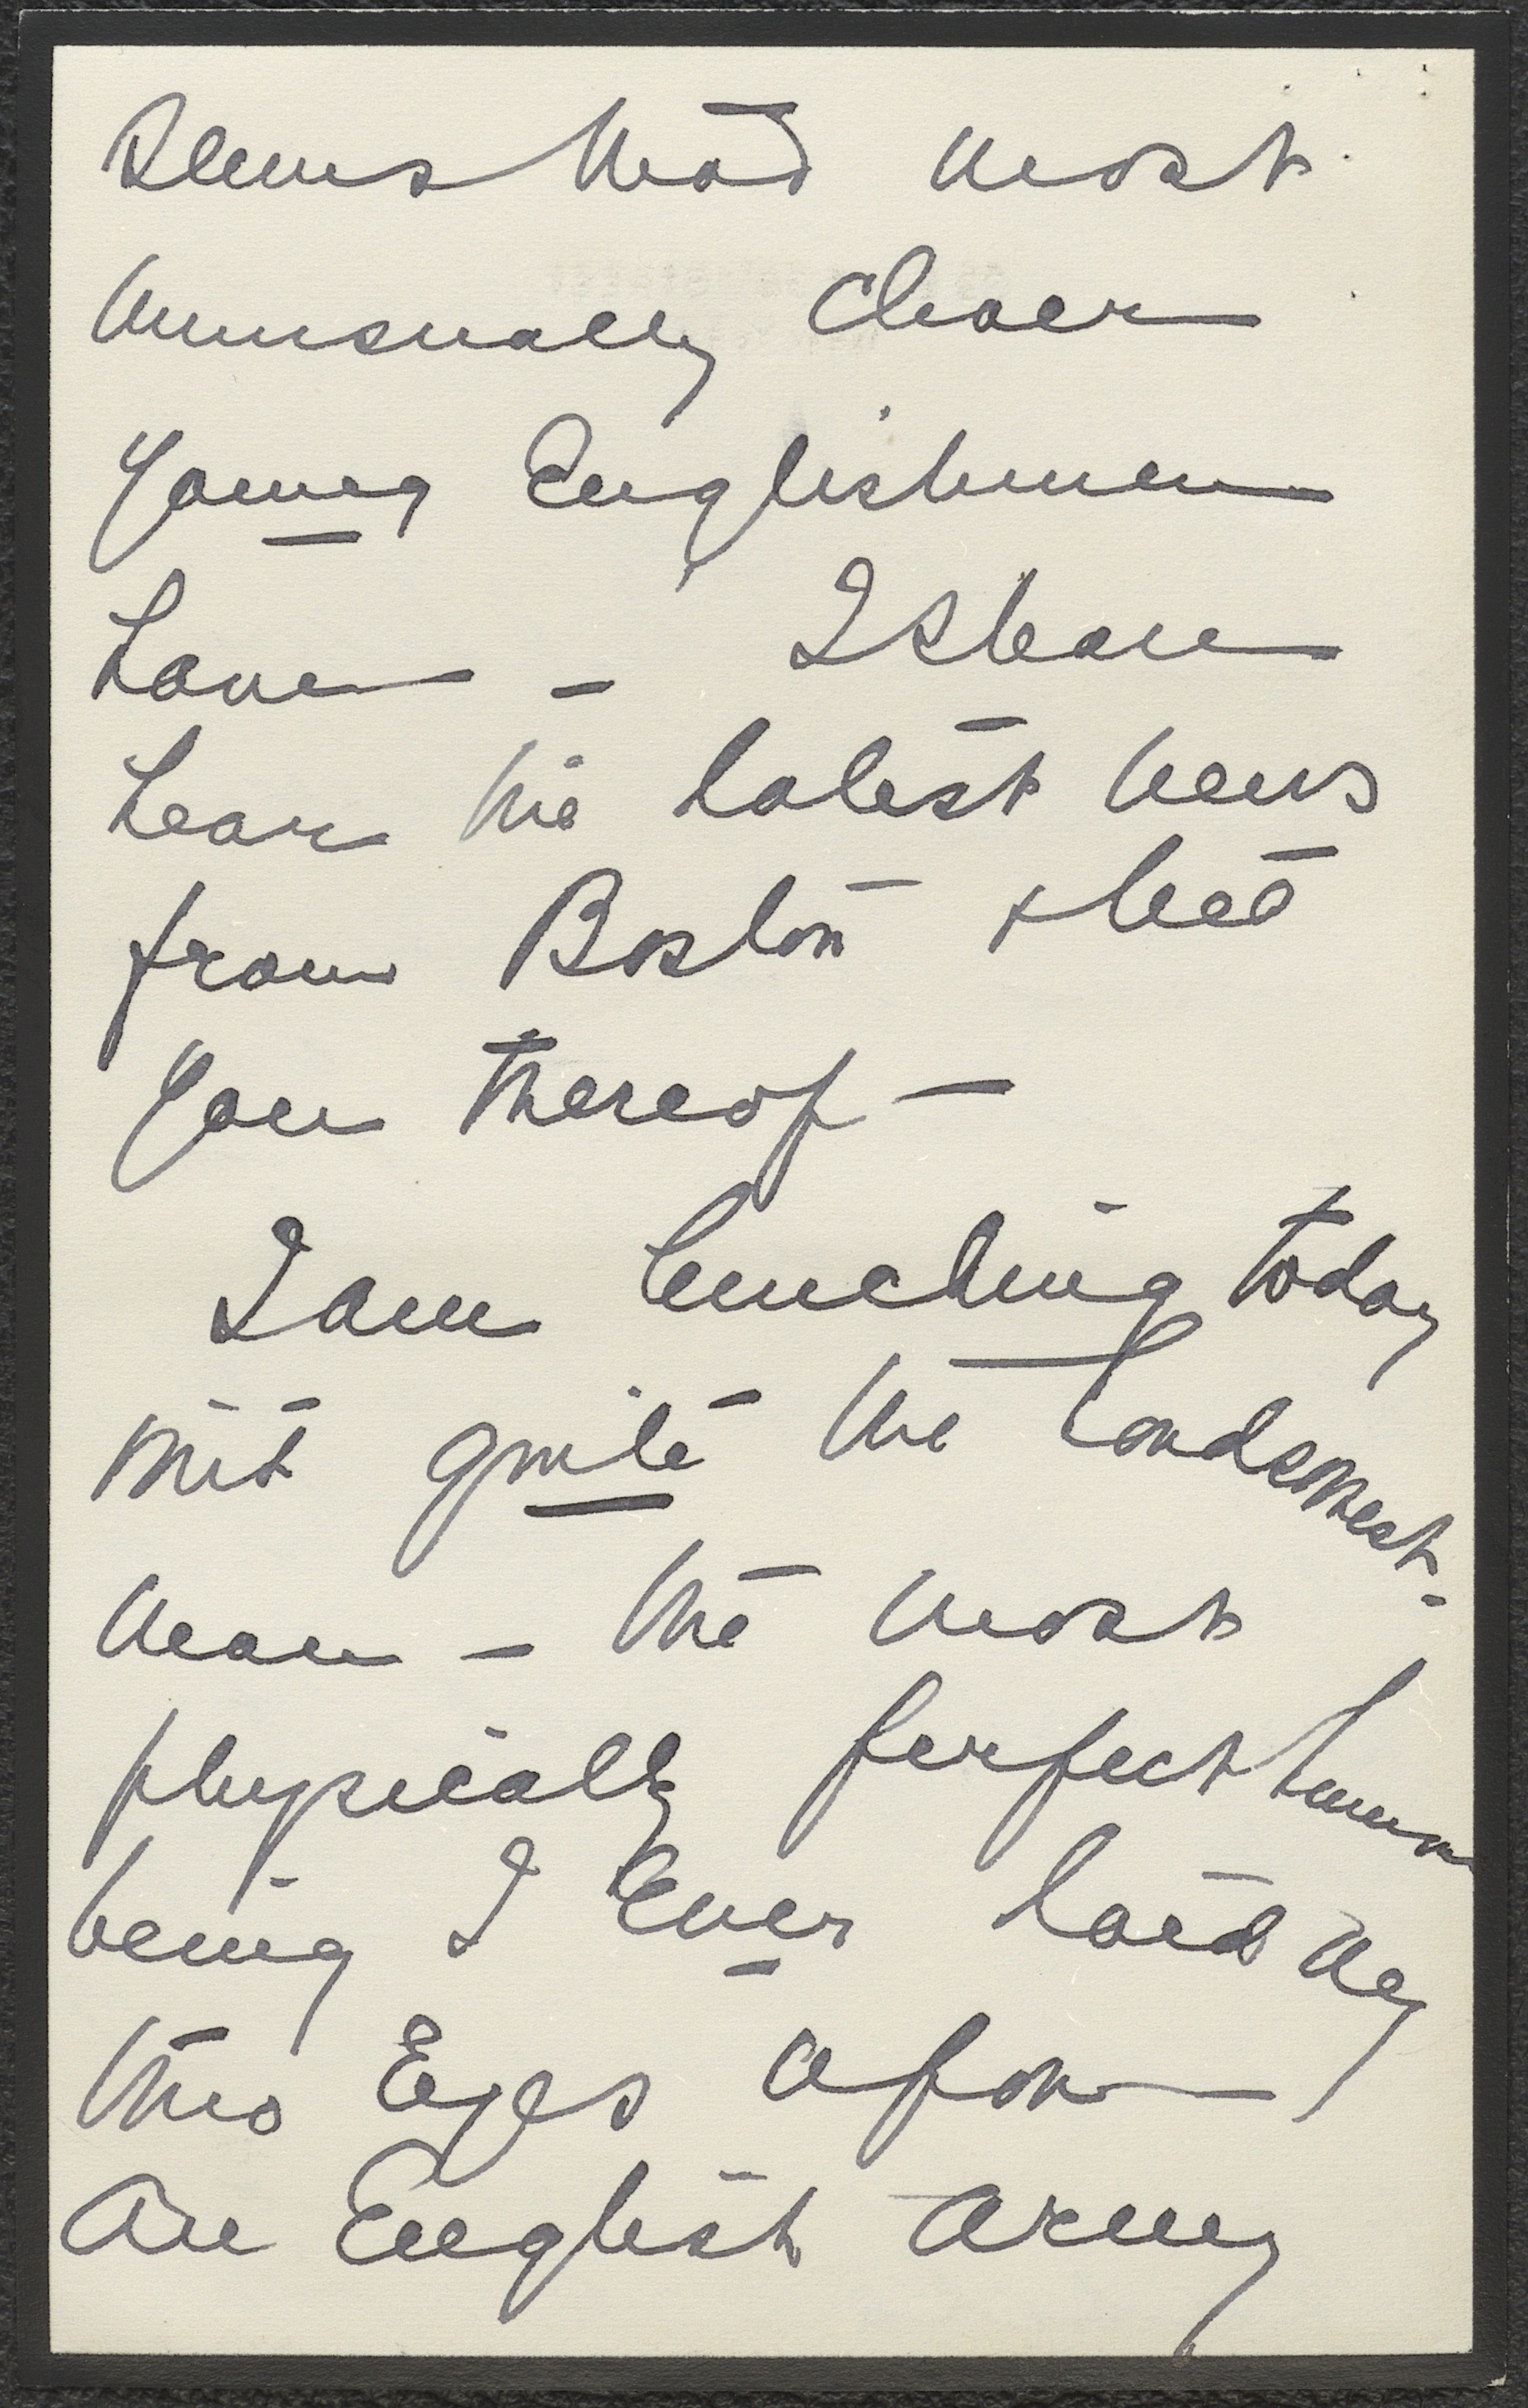seems that most unusually clever young Englishmen have – I shall hear his latest news from Boston & tell you thereof –
I am lunching today with quite the handsomest man – the most physically perfect human being I ever laid my two eyes upon – an English army